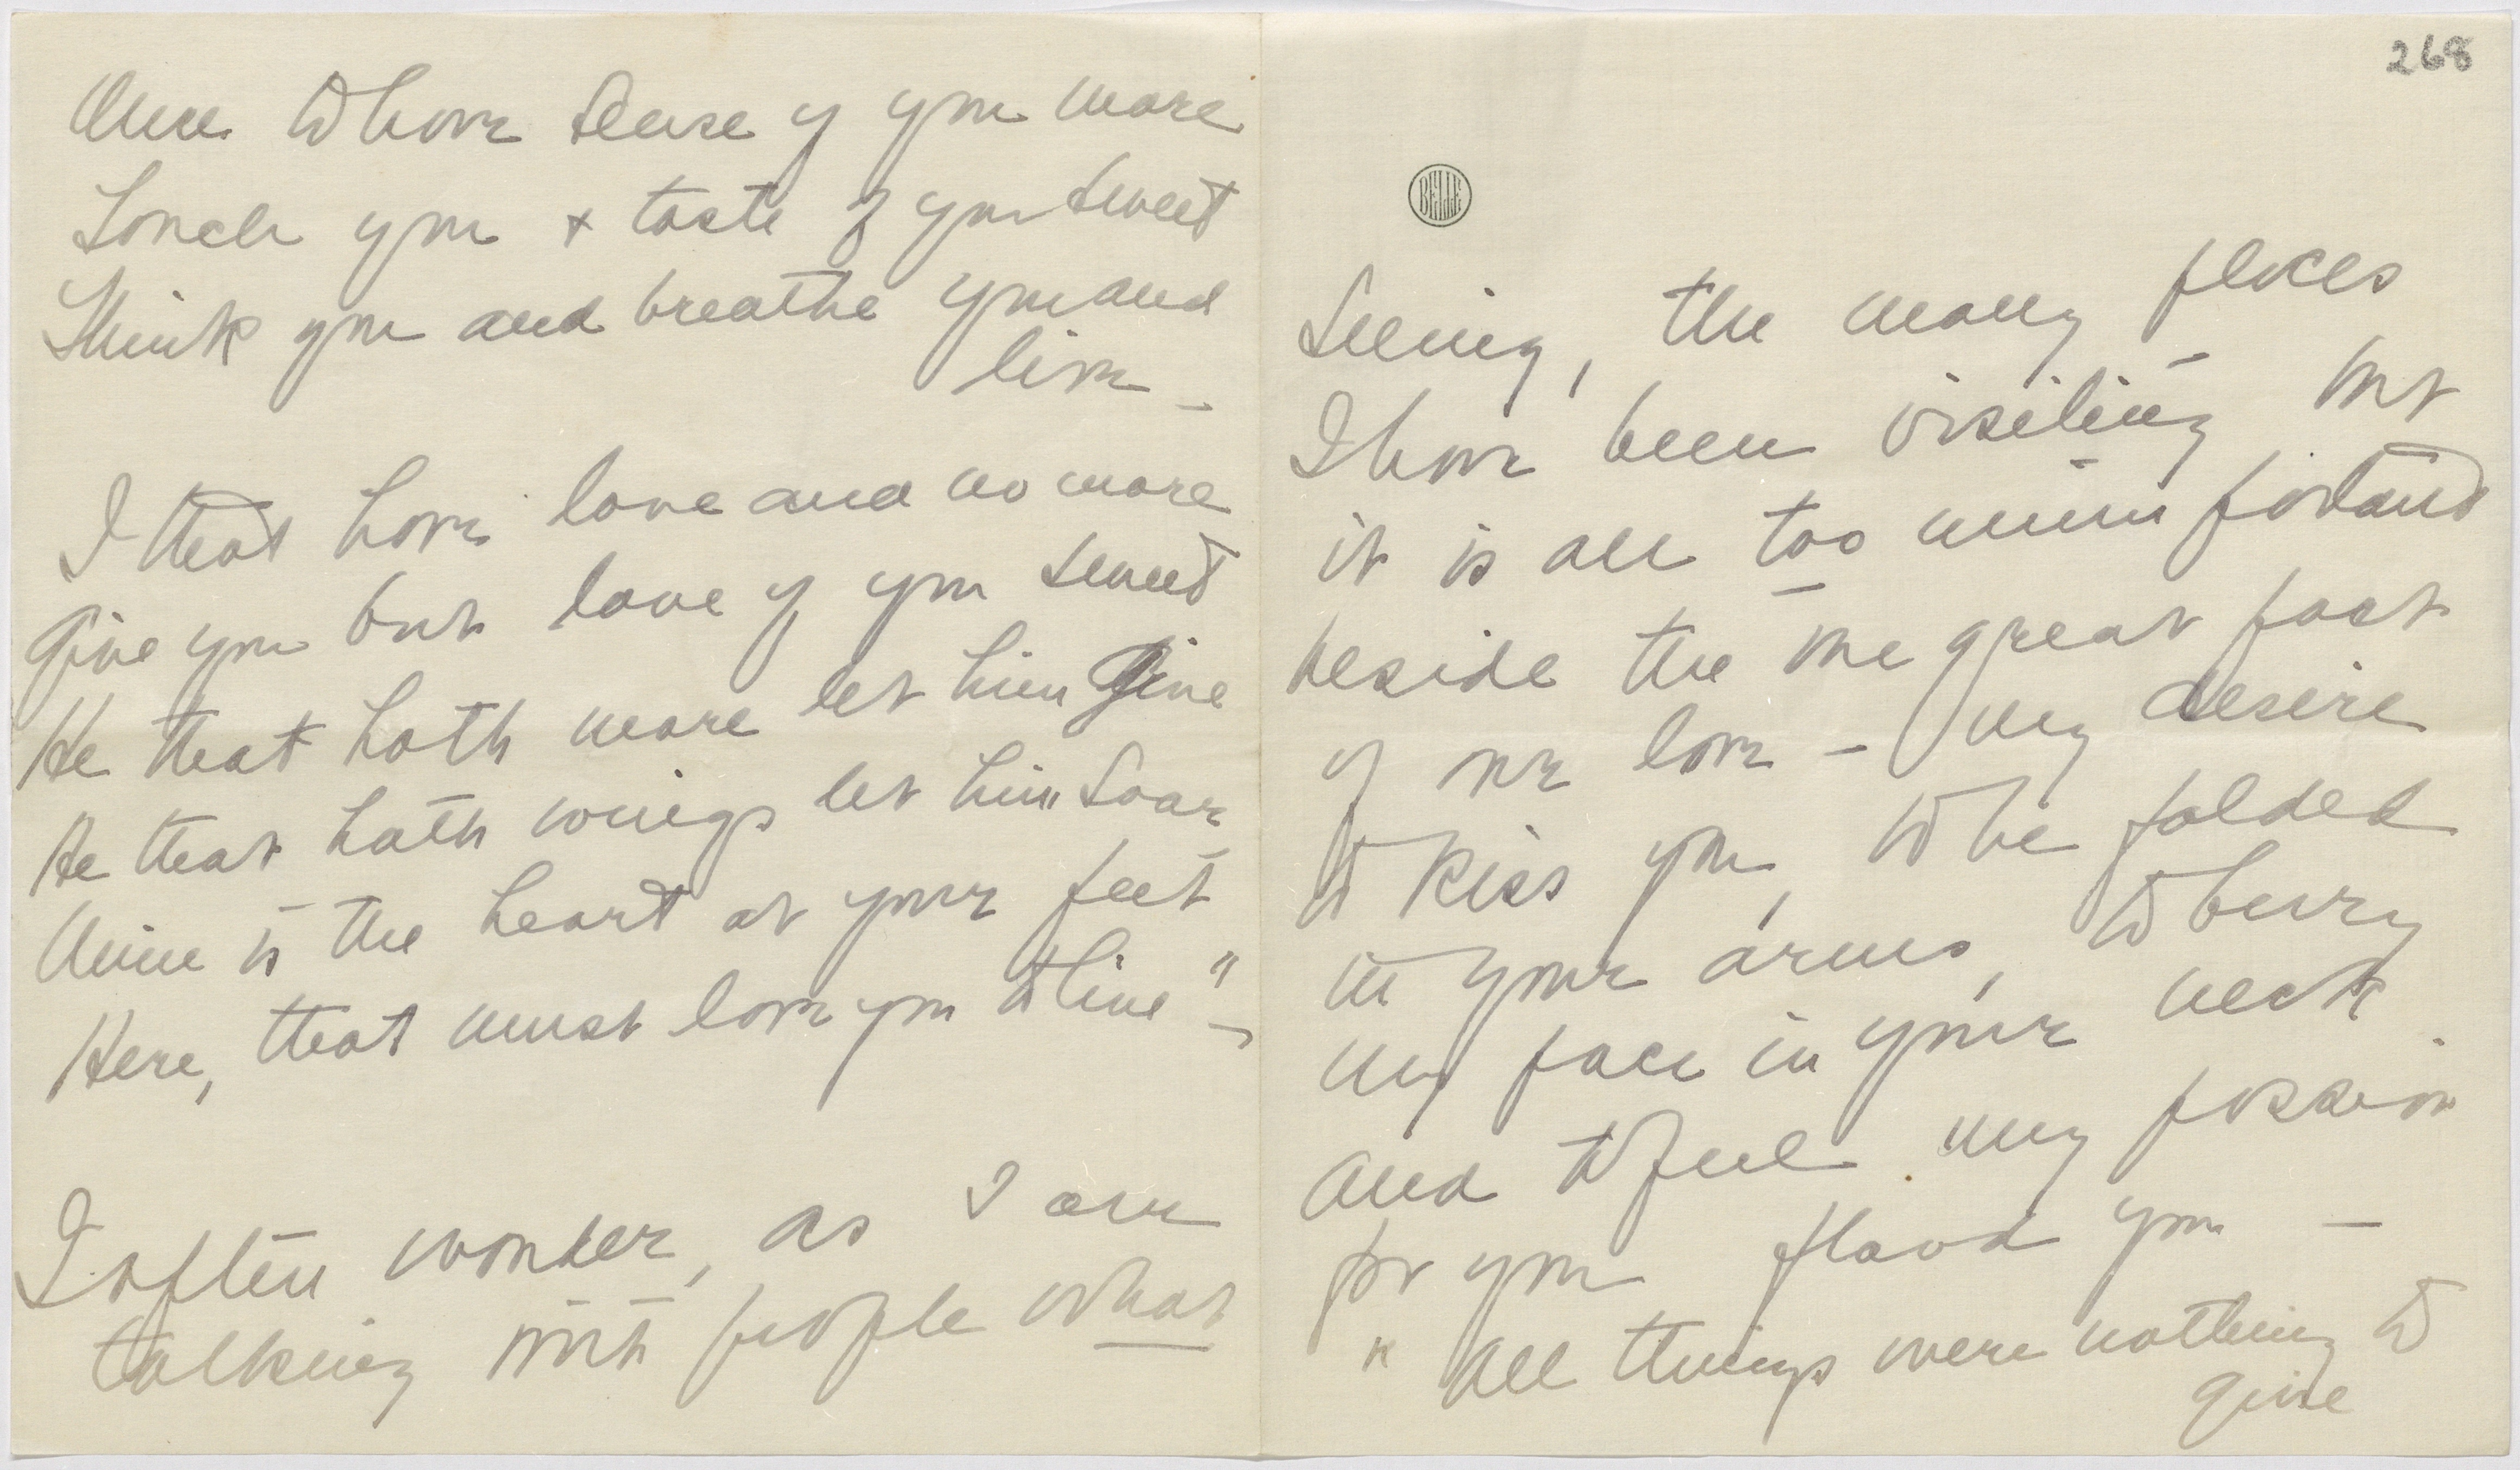seeing, the many places I have been visiting but it is all too unimportant beside the one great fact of our love – my desire to kiss you, to be folded in your arms, to bury my face in your neck and to feel my passion for you flood you –
“All things were nothing to give
Once to have sense of you more
Touch you & taste of you sweet
Think you and breathe you and live –
I that have love and no more
Give you but love of you sweet
He that hath more let him give
He that hath wings let him soar
Mine is the heart at your feet
Here, that must love you to live” –
I often wonder, as I am talking with people what